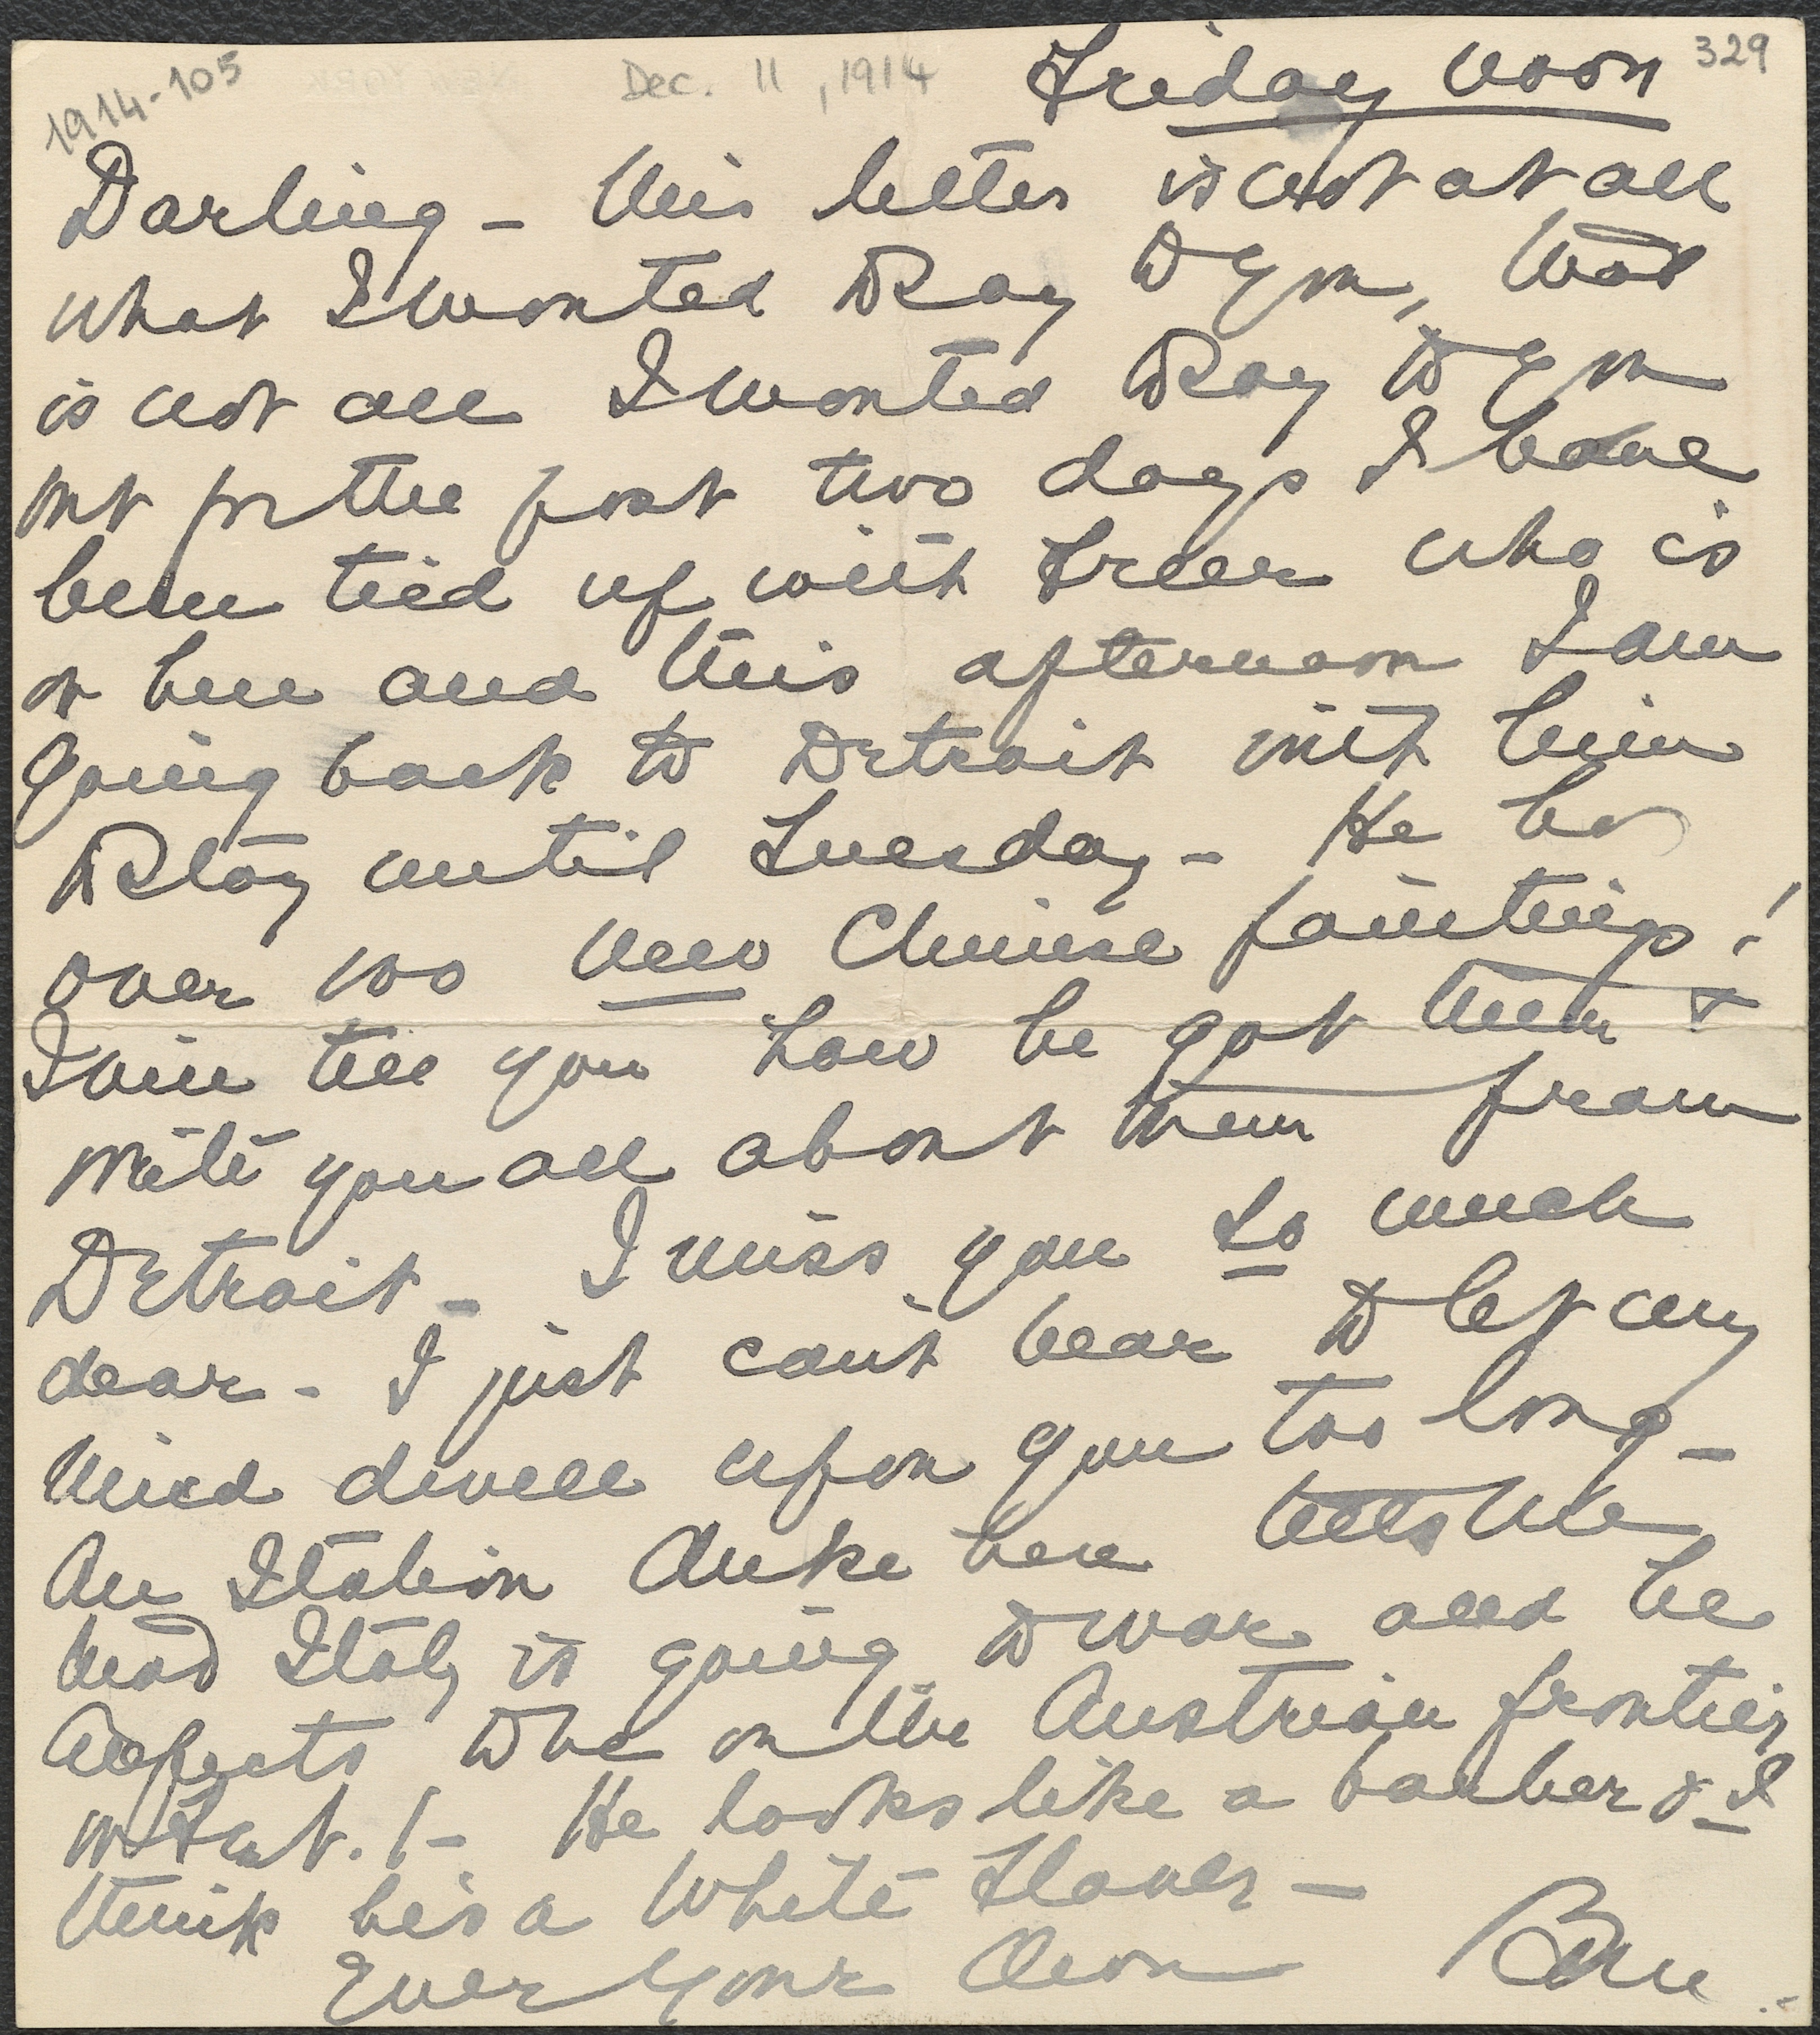Friday noon
Darling – this letter is not at all what I wanted to say to you, that is not all I wanted to say to you but for the past two days I have been tied up with Freer who is out here and this afternoon I am going back to Detroit with him to stay until Tuesday – He has over 100 New Chinese paintings!
I will tell you how he got them & write you all about them from Detroit – I miss you so much dear – I just can’t bear to let me mind dwell upon you too long – An Italian duke here tells me that Italy is going to war and he expects to be on the Austrian frontier on Feb. 1 – He looks like a barber & I think he’s a white slaver –
Ever your own Belle